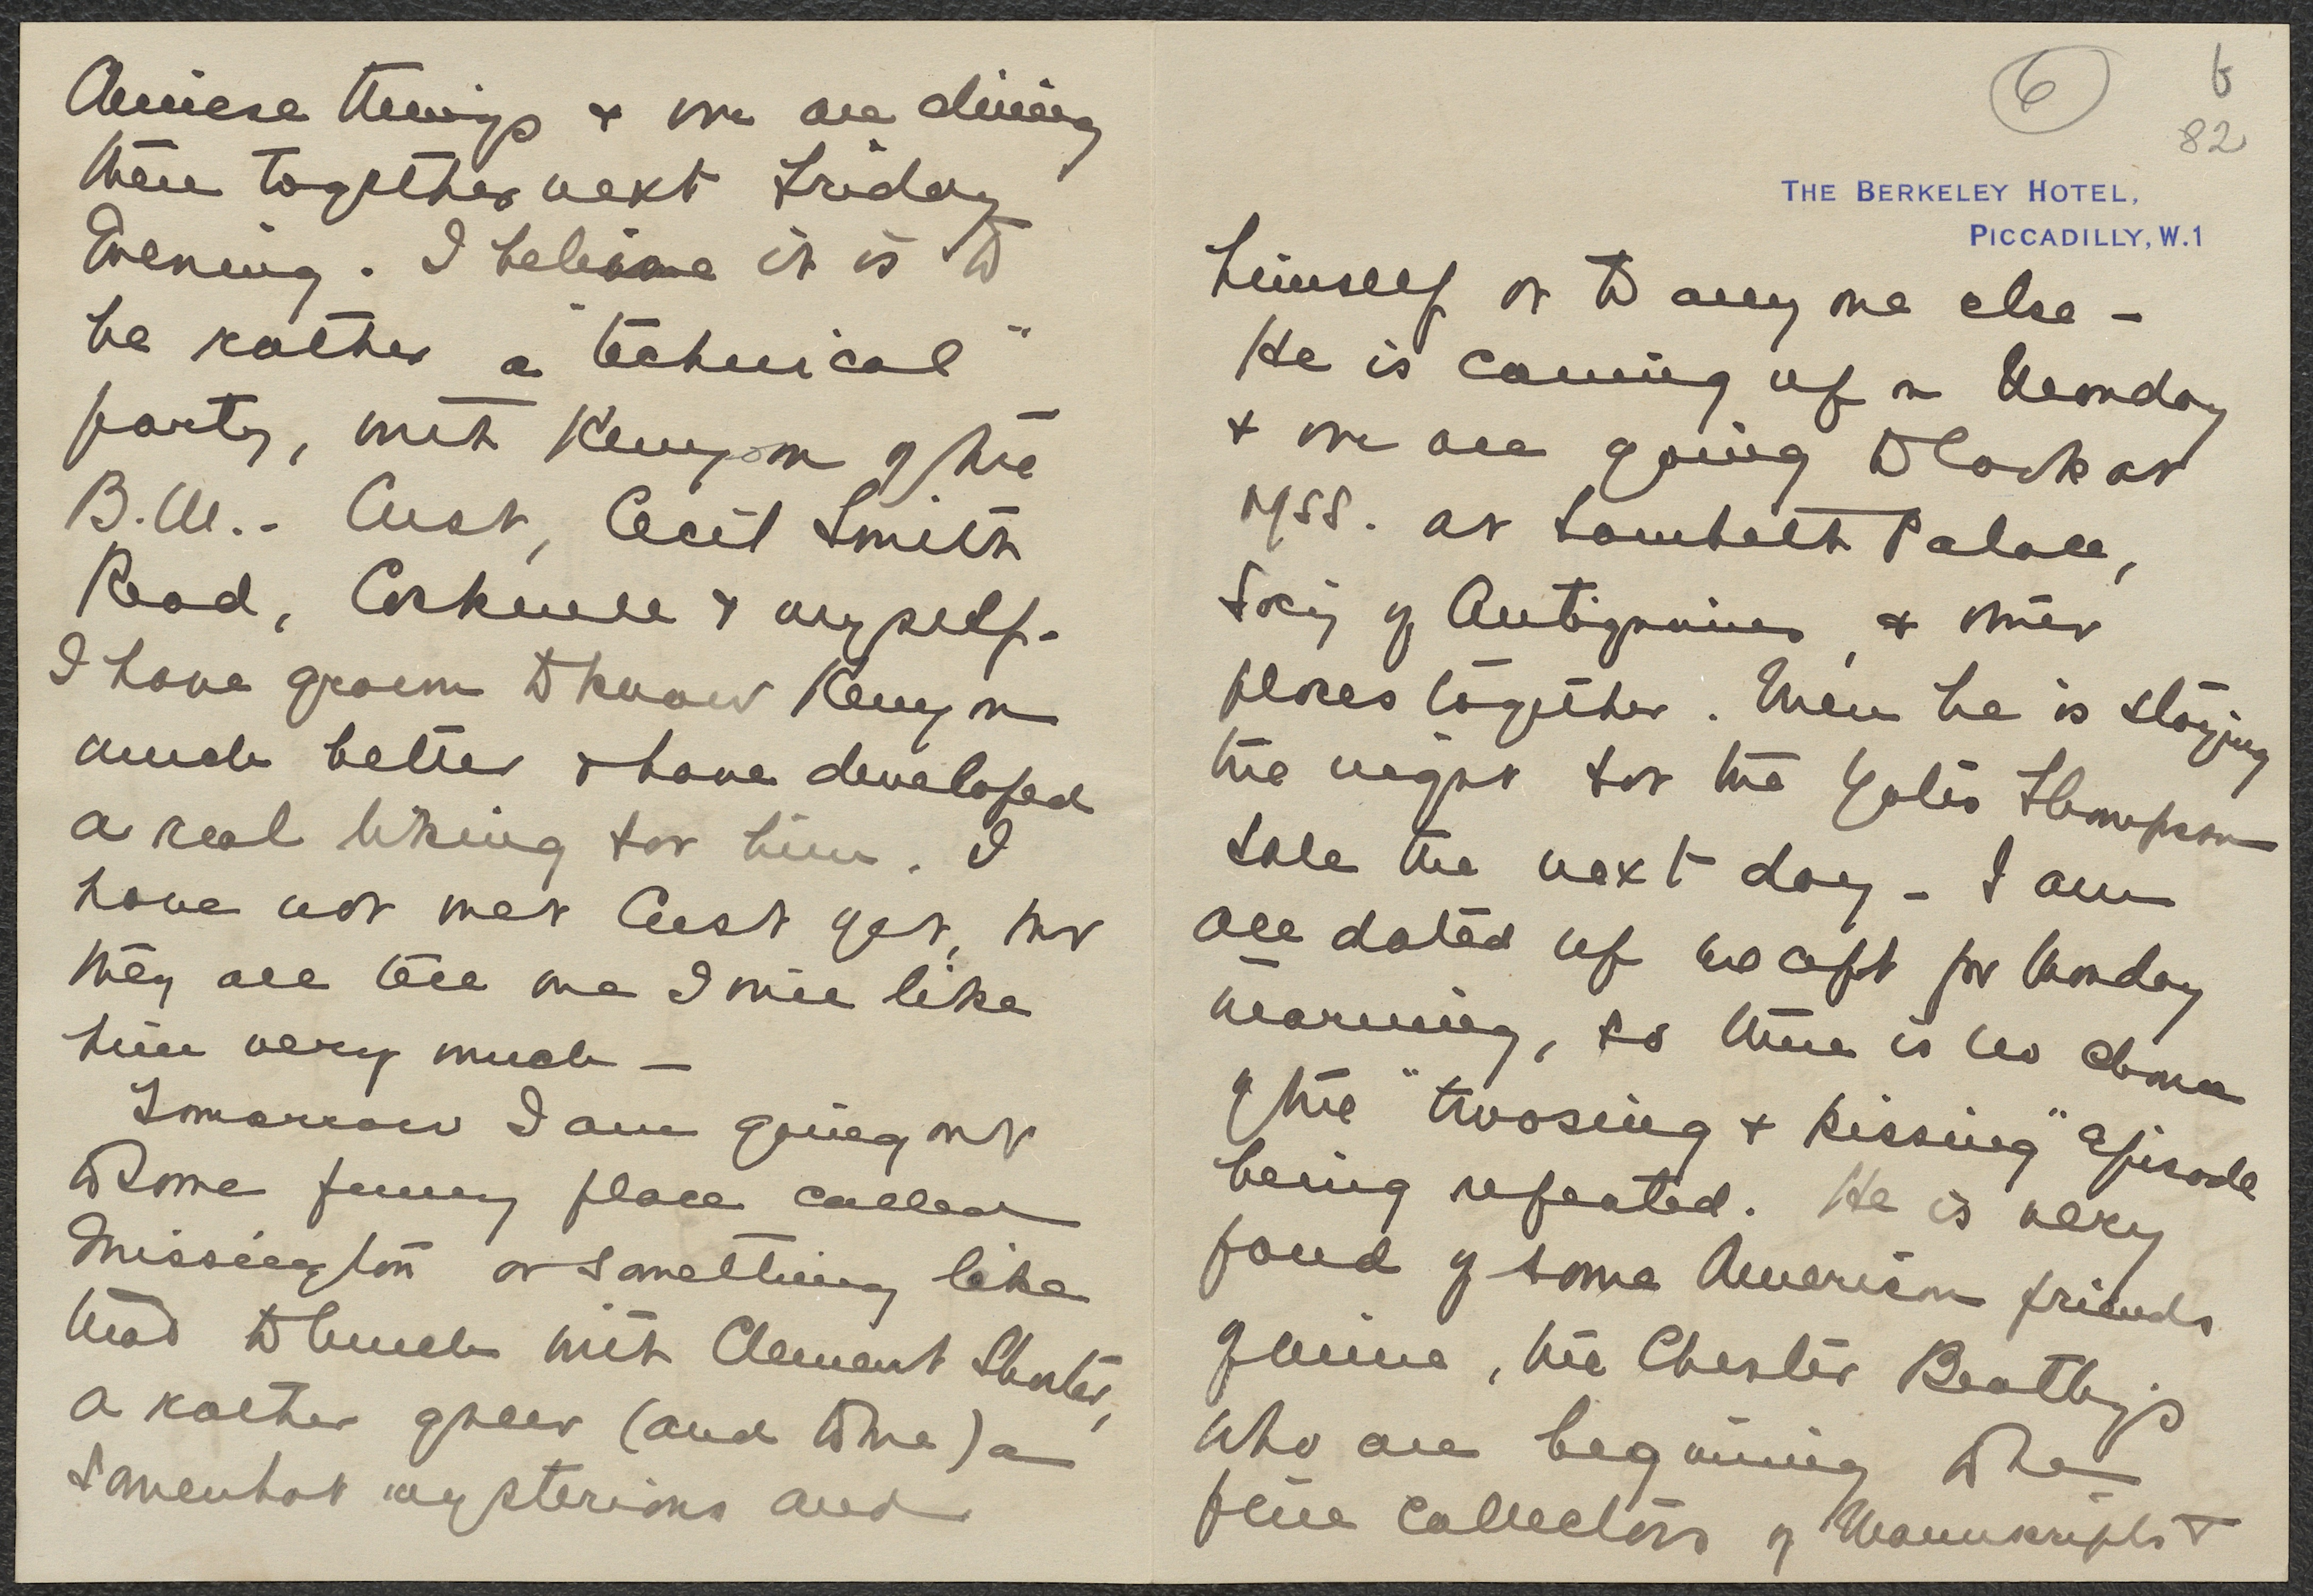himself or to any one else –
He is coming up on Monday & we are going to look at MSS. at Lambeth Palace, Socy of Antiquaries, & other places together. Then he is staying the night for the Yates Thompson sale the next day – I am all dated up except for Monday morning, so there is no chance of the "twosing & kissing" episode being repeated. He is very fond of some American friends of mine, the Chester Beatty's who are beginning to be fine collectors of manuscripts &
Chinese things & we are dining there together next Friday evening. I believe it is to be rather a "technical" party, with [The "o" is written in pencil: Kenyon] of the B.M. – Cust, Cecil Smith Read, Cockerell & myself. I have grown to know Kenyon much better & have developed a real liking for him. I have not met Cust yet, but they all tell me I will like him very much –
Tomorrow I am going out to some funny place called Miseégton or something like that to lunch with Clement Shorter, a rather queer (and to me) a somewhat mysterious and